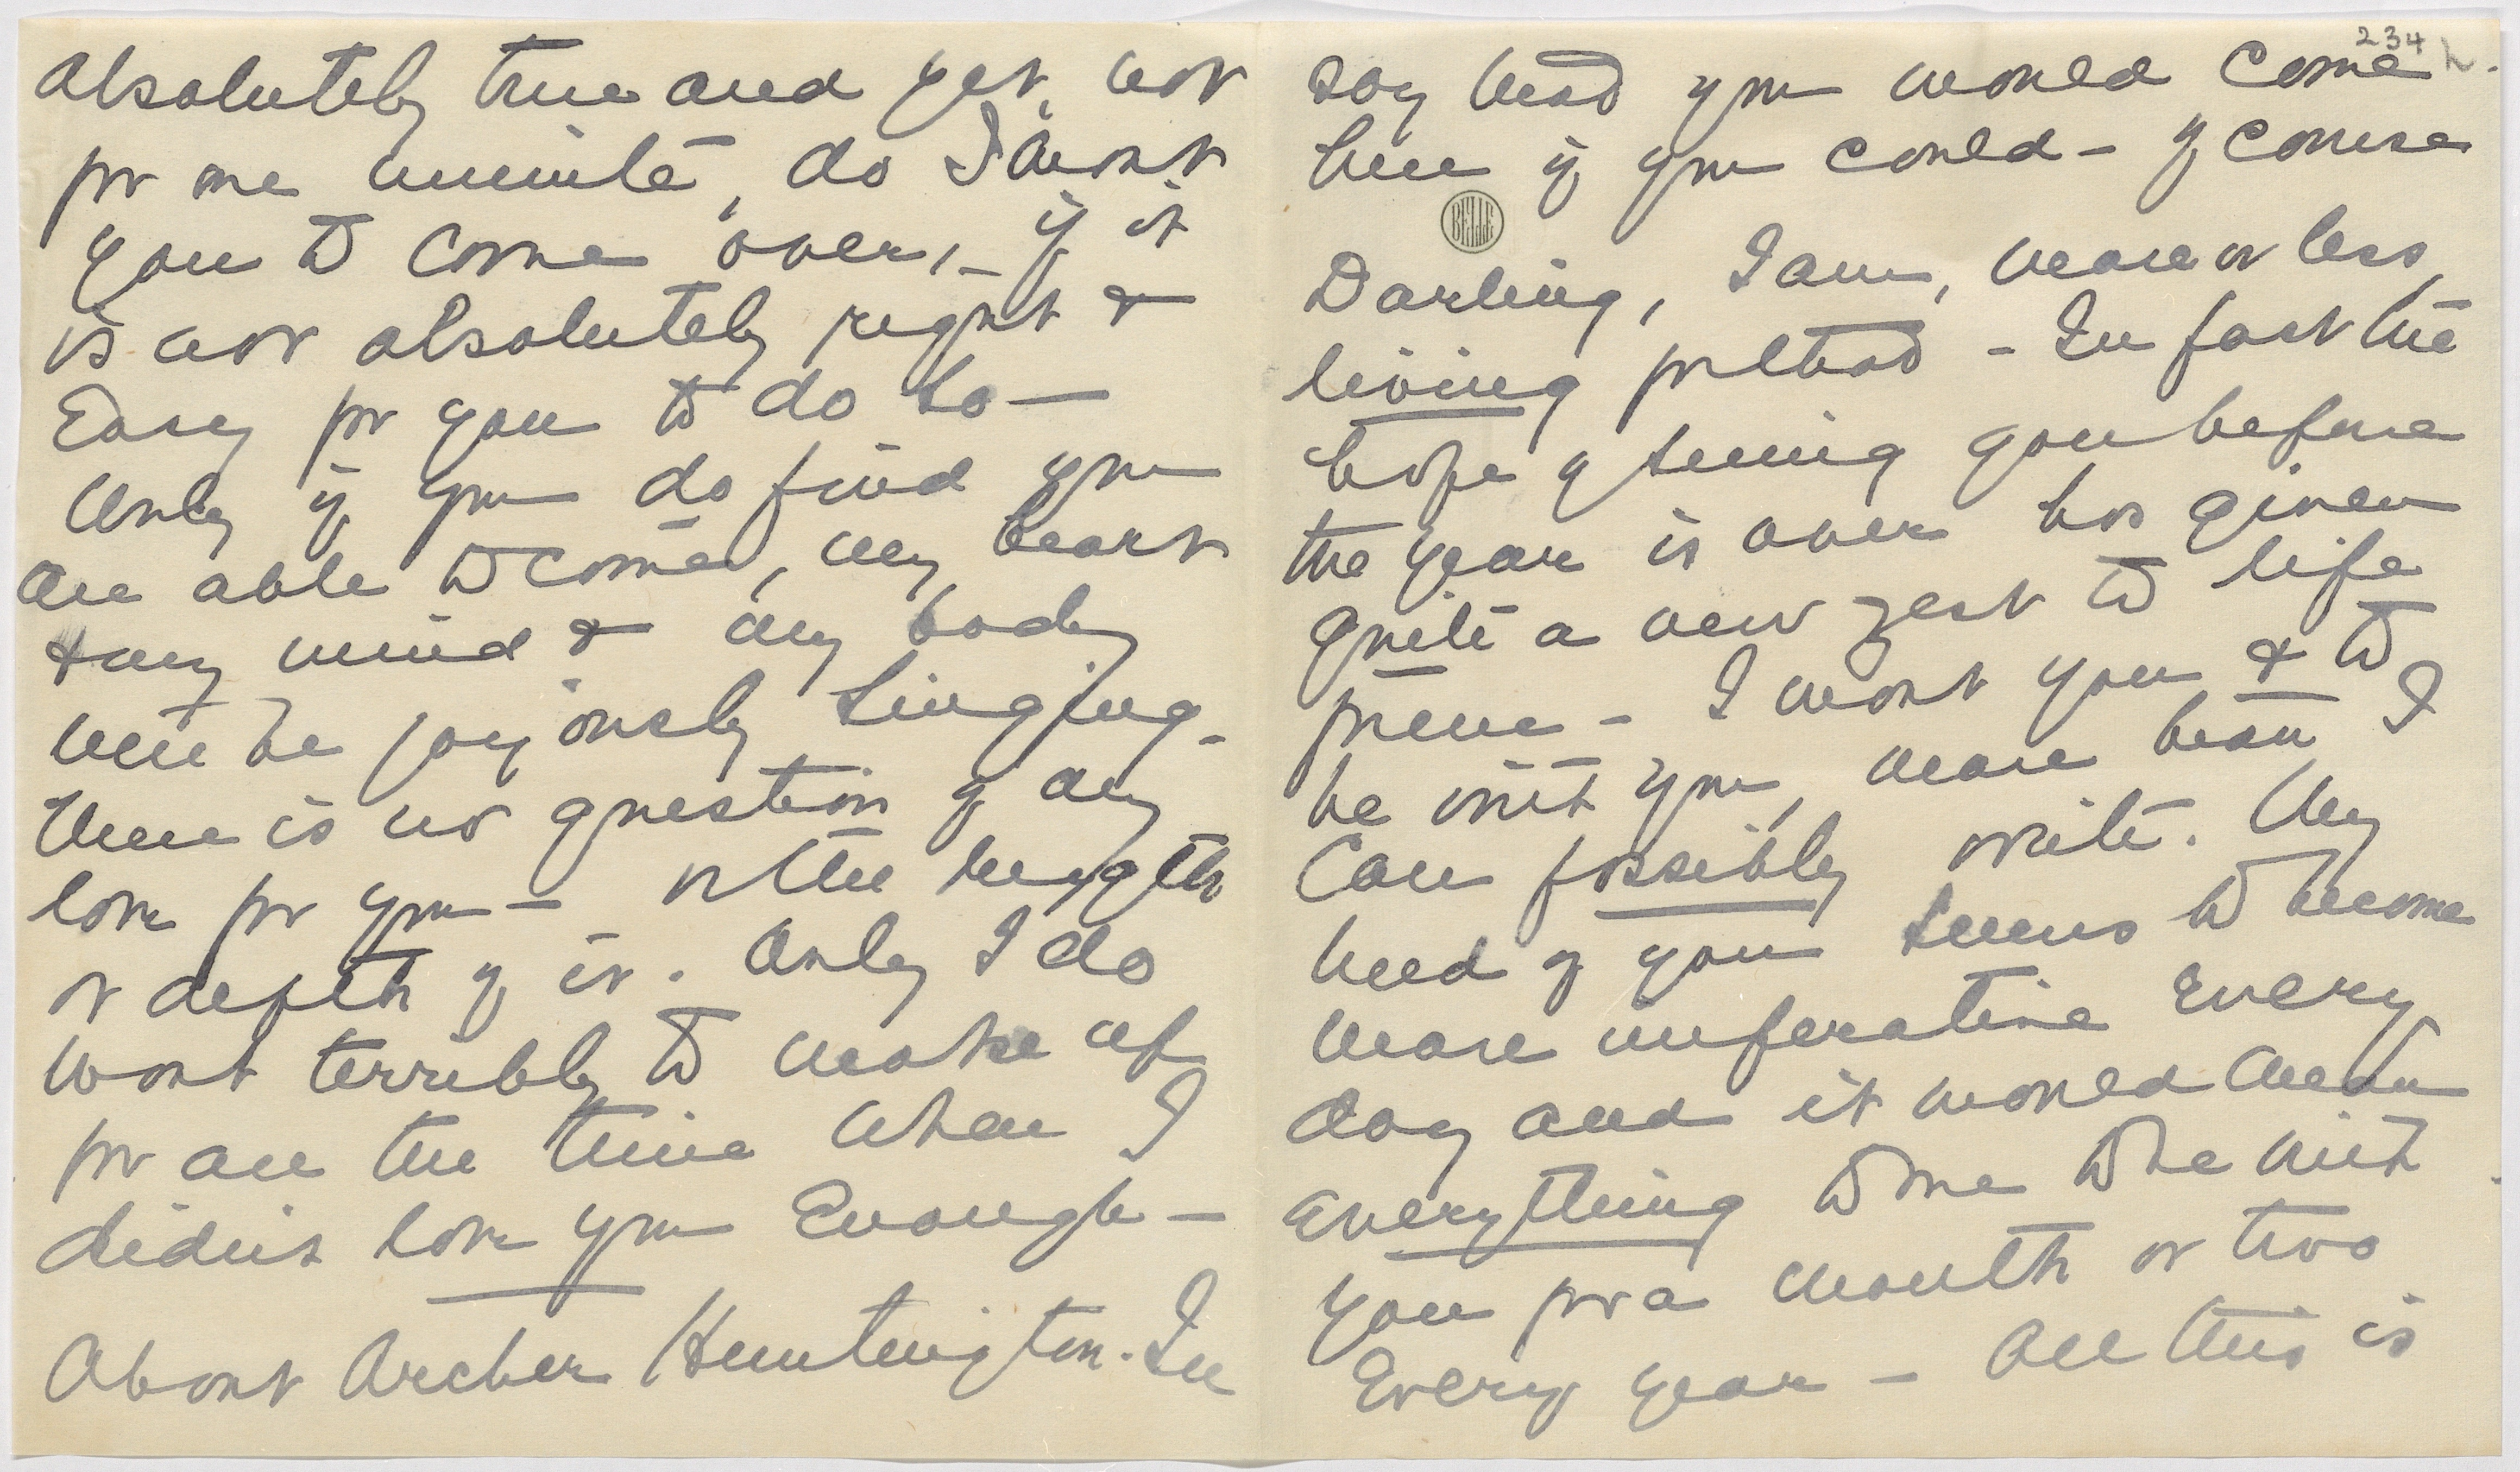say that you would come here if you could – of course Darling, I am, more or less living for that – In fact the hope of seeing you before the year is over has given quite a new zest to life for me – I want you & to be with you, more than I can possibly write. My need of you seems to become more imperative every day and it would mean everything to me to be with you for a month or two every year – all this is
absolutely true and yet, not for one minute, do I want you to come over, if it is not absolutely right & easy for you to do so –
Only if you do find you are able to come, my heart & my mind & my body will be joyously singing – there is no question of my love for you – or the length or depth of it. Only I do want terribly to make up for all the time when I didn’t love you enough –
About Archer Huntington. In